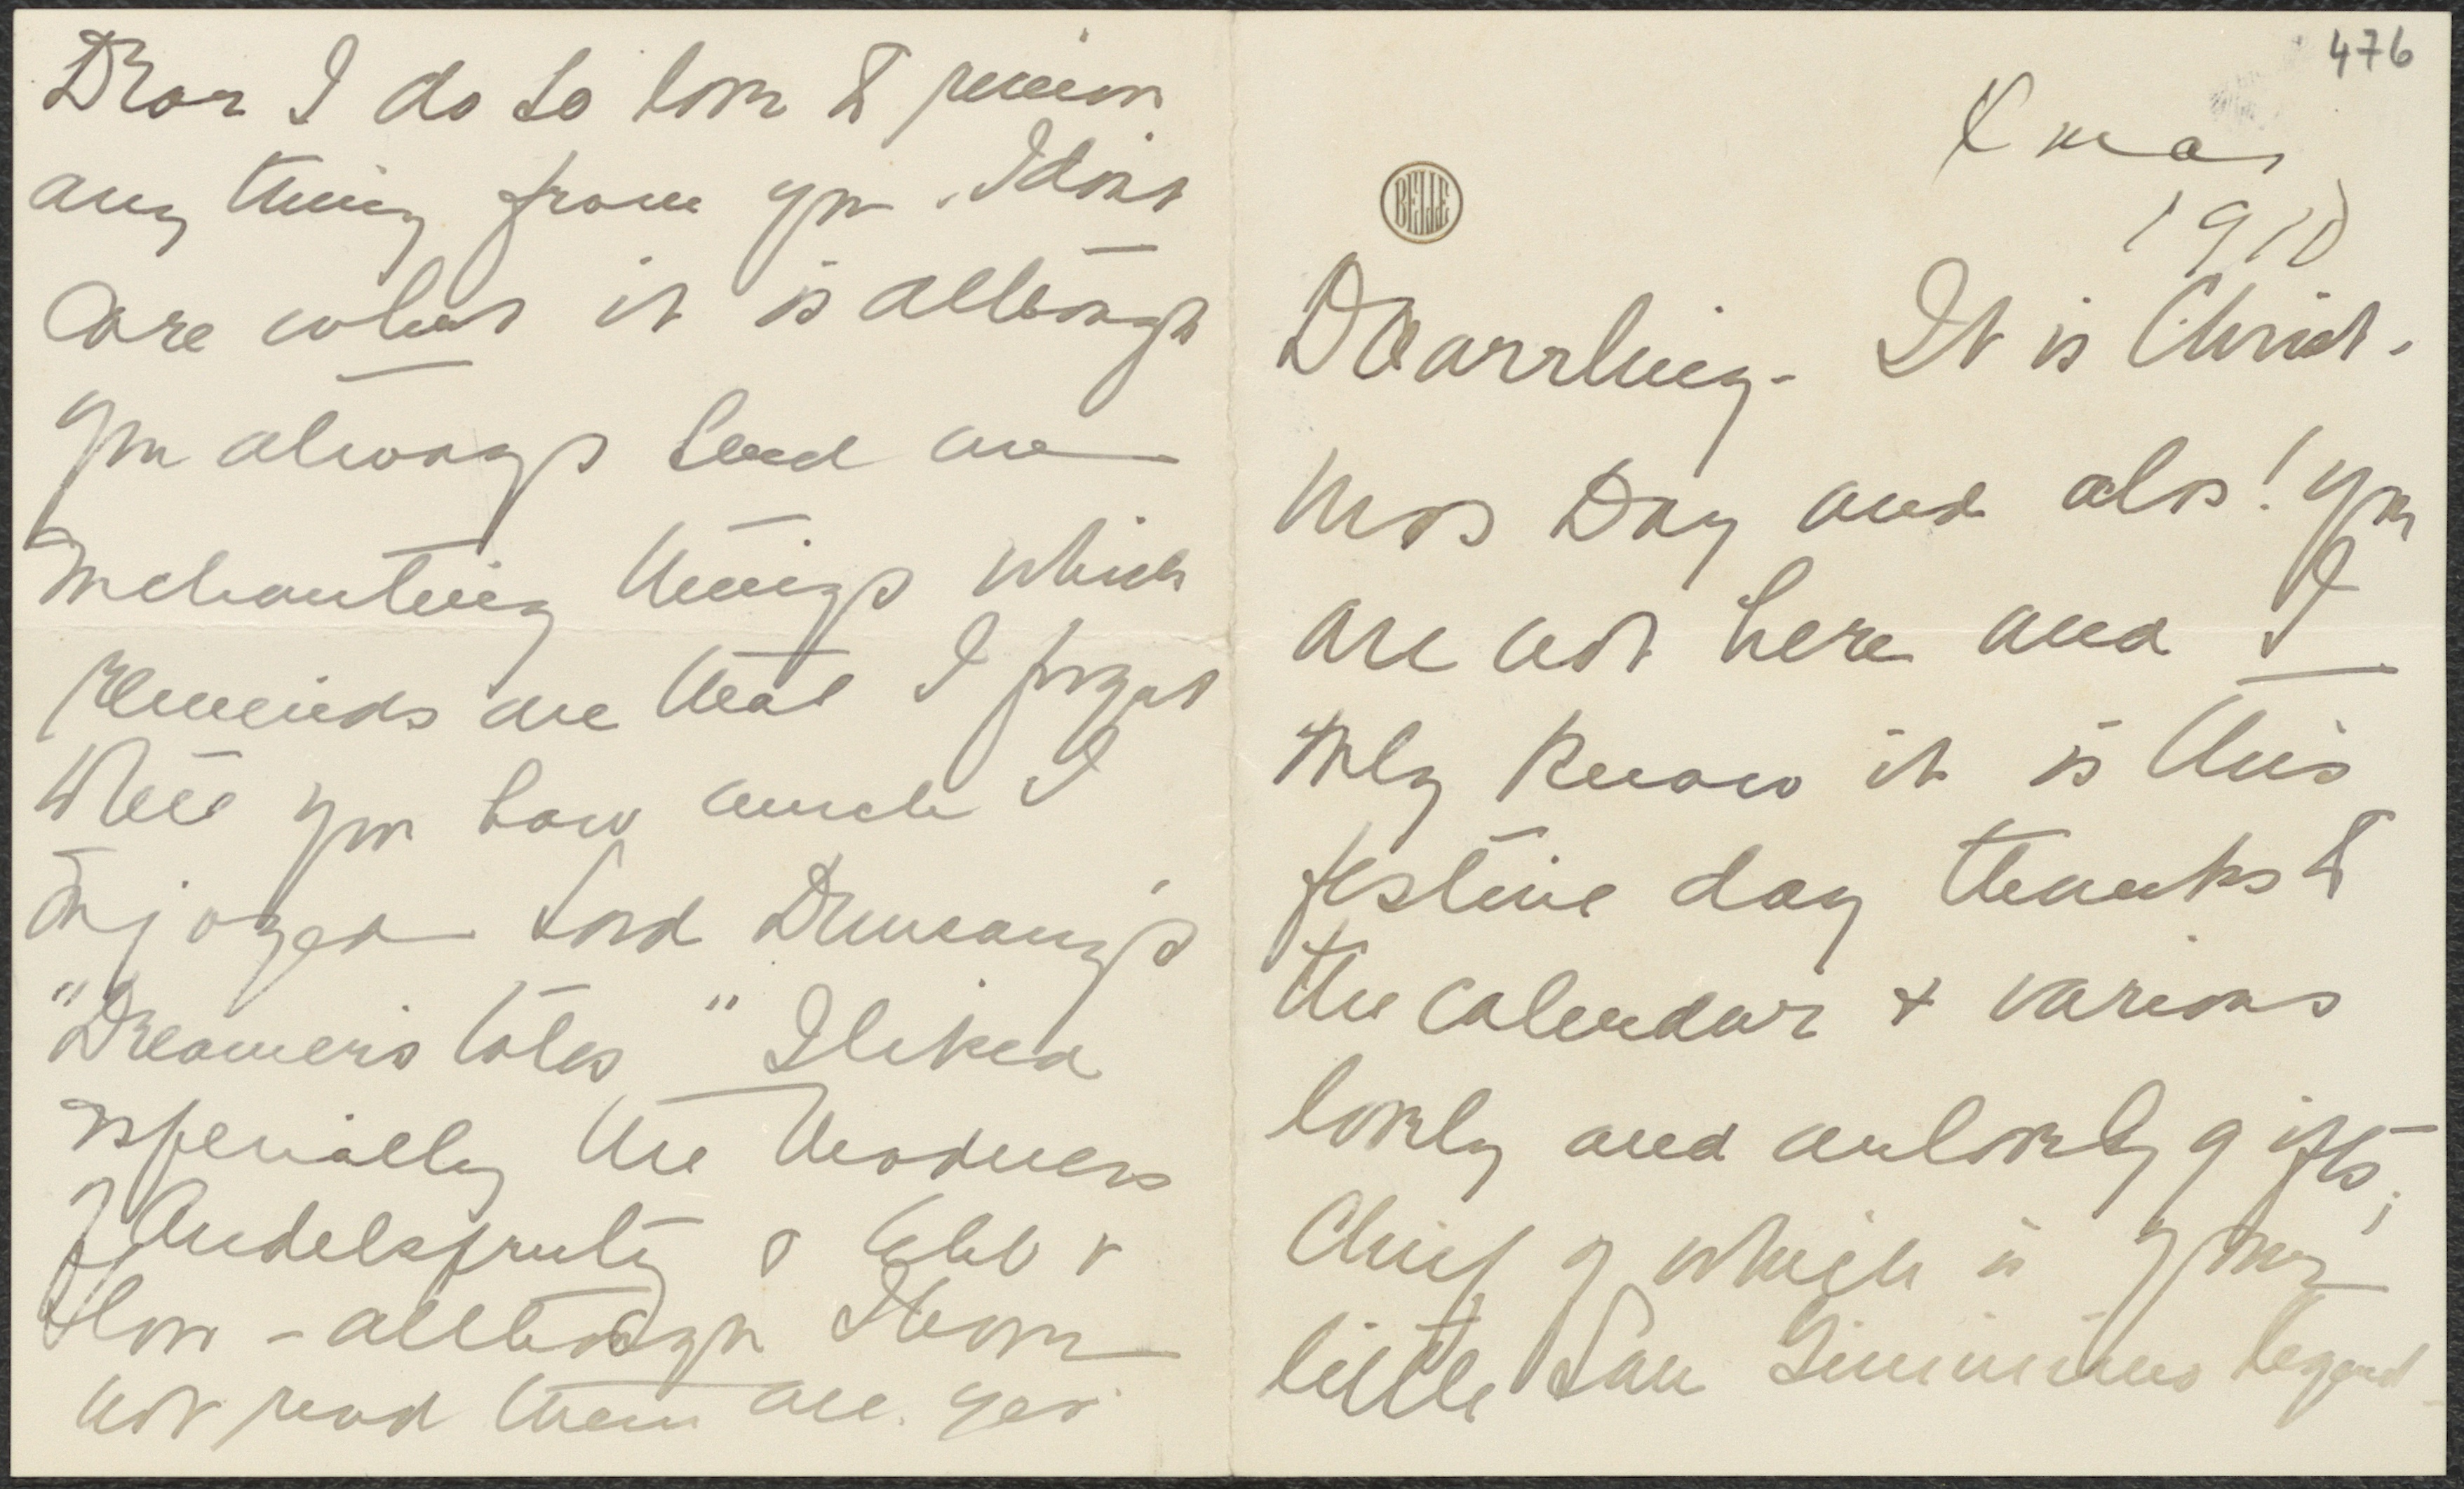Xmas
Daarrling – It is Christmas Day and alas! you are not here and I only know it is this festive day thanks to the calendar & various lovely and unlovely gifts; chief of which is your little San Giminius legend –
Dear I do so love to receive any thing from you. I don’t care what it is although you always send me enchanting things which reminds me that I forget to tell you how much I enjoyed Lord Dunsany’s “Dreamer’s tales” I liked especially the Madness of Andelsprutz & Ebb & Flow – although I have not read them all yet.